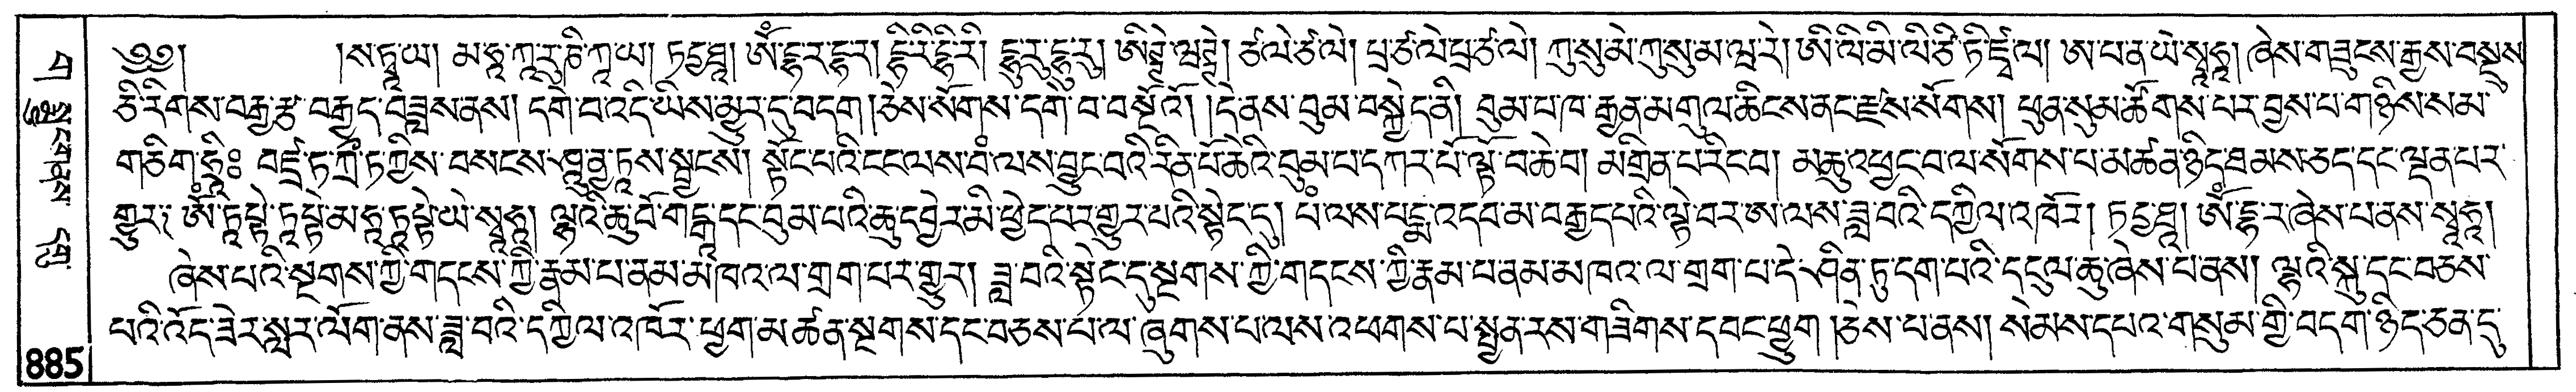༄༅། །ས་ཏྭཱ་ཡ། མ་ཧཱ་ཀཱ་རུ་ཎི་ཀཱ་ཡ། ཏདྱ་ཐཱ། ཨོཾ་དྷ་ར་དྷ་ར། དྷི་རི་དྷི་རི། དྷུ་རུ་དྷུ་རུ། ཨིཊྚེ་ཝཊྚེ། ཙ་ལེ་ཙ་ལེ། པྲ་ཙ་ལེ་པྲ་ཙ་ལེ། ཀུ་སུ་མེ་ཀུ་སུ་མ་ཝ་རེ། ཨི་ལི་མི་ལི་ཙི་ཏི་ཛྭ་ལ། ཨ་པ་ན་ཡེ་སྭཱཧཱ། ཞེས་གཟུངས་རྒྱས་བསྡུས་
ཅི་རིགས་བརྒྱ་རྩ་བརྒྱད་བཟླས་ནས། དགེ་བ་འདི་ཡིས་མྱུར་དུ་བདག །ཅེས་སོགས་དགེ་བ་བསྔོའོ། །དེ་ནས་བུམ་བསྐྱེད་ནི། བུམ་པ་ཁ་རྒྱན་མགུལ་ཆིངས་ནང་རྫས་སོགས། ཕུན་སུམ་ཚོགས་པར་བྱས་པ་གཉིས་སམ་
གཅིག་ཧྲཱིཿ བཛྲ་ཏ་ཀྲྀ་ཏ་ཀྱིས་བསངས་ཤཱུ་ནྱ་ཏཱས་སྦྱངས། སྟོང་པའི་ངང་ལས་བཾ་ལས་བྱུང་བའི་རིན་པོ་ཆེའི་བུམ་པ་དཀར་པོ་ལྟོ་བ་ཆེ་བ། མགྲིན་པ་རིང་བ། མཆུ་འཕྱང་བ་ལ་སོགས་པ་མཚན་ཉིད་ཐམས་ཅད་དང་ལྡན་པར་
གྱུར༑ ཨོཾ་ཏཱཔྟེ་ཏཱཔྟེ་མཧཱ་ཏཱ་པྟེ་ཡེ་སྭཱཧཱ། ལྷའི་ཆུ་བོ་གངྒཱ་དང་བུམ་པའི་ཆུ་དབྱེར་མི་ཕྱེད་པར་གྱུར་པའི་སྟེང་དུ། པཾ་ལས་པདམ་འདབ་མ་བརྒྱད་པའི་ལྟེ་བར་ཨ་ལས་ཟླ་བའི་དཀྱིལ་འཁོར། ཏདྱ་ཐཱ། ཨོཾ་དྷ་ར་ཞེས་པ་ནས་སྭཱཧཱ།
ཞེས་པའི་སྔགས་ཀྱི་གདངས་ཀྱི་རྣམ་པ་ནམ་མཁའ་ལ་གྲག་པར་གྱུར། ཟླ་བའི་སྟེང་དུ་སྔགས་ཀྱི་གདངས་ཀྱི་རྣམ་པ་ནམ་མཁའ་ལ་གྲག་པ་དེ་ཤིན་ཏུ་དག་པའི་དངུལ་ཆུ་ཞེས་པ་ནས། ལྷའི་སྐུ་དང་བཅས་
པའི་འོད་ཟེར་སླར་ལོག་ནས་ཟླ་བའི་དཀྱིལ་འཁོར་ཕྱག་མཚན་སྔགས་དང་བཅས་པ་ལ་ཞུགས་པ་ལས་འཕགས་པ་སྤྱན་རས་གཟིགས་དབང་ཕྱུག །ཅེས་པ་ནས། སེམས་དཔའ་གསུམ་གྱི་བདག་ཉིད་ཅན་དུ་